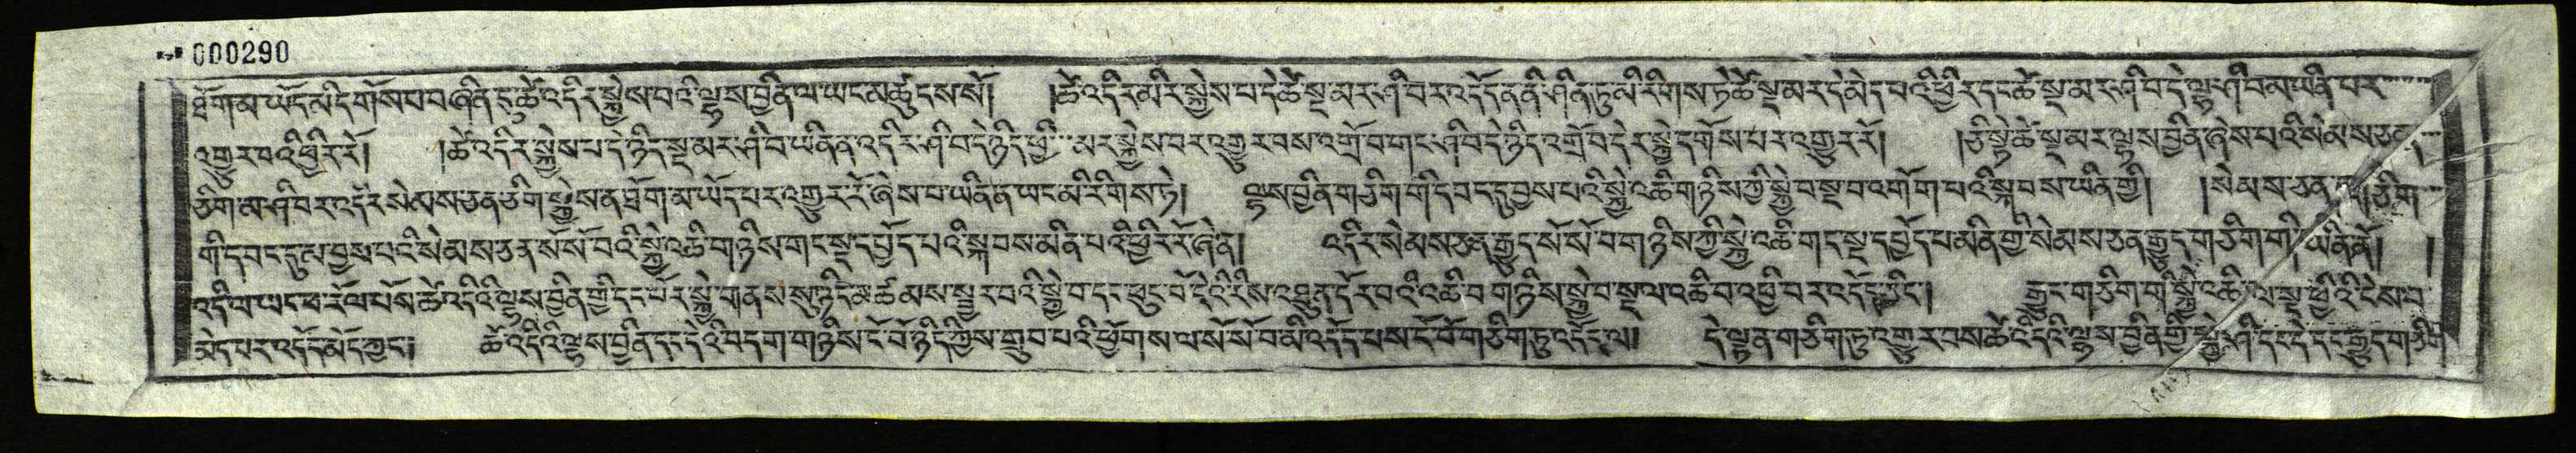ཐོག་མ་ཡོད་མི་དགོས་པ་བཞིན་དུ་ཚེ་འདིར་སྐྱེས་བའི་ལྷས་བྱིན་ལ་ཡང་མཚུངས་སོ། །ཚེ་འདིར་མིར་སྐྱེས་པ་དེ་ཚེ་སྔ་མར་ཤི་བར་འདོད་ན་ནི་ཤིན་ཏུ་མི་རིགས་ཏེ་ཚེ་སྔ་མར་དེ་མེད་པའི་ཕྱིར་དང་ཚེ་སྔ་མར་ཤི་བ་དེ་ལྷ་ཤི་བ་མ་ཡིན་པར་
འགྱུར་བའི་ཕྱིར་རོ། །ཚེ་འདིར་སྐྱེས་པ་དེ་ཉིད་སྔ་མར་ཤི་བ་ཡིན་ན་འདིར་ཤི་བ་དེ་ཉིད་ཕྱི་མར་སྐྱེས་བར་འགྱུར་བས་འགྲོ་བ་གང་ཤི་བ་དེ་ཉིད་འགྲོ་བ་དེར་སྐྱེ་དགོས་པར་འགྱུར་རོ། །ཅི་སྟེ་ཚེ་སྔ་མར་ལྷས་བྱིན་ཞེས་པའི་སེམས་ཅན་
ཅིག་མ་ཤི་བར་འདིར་སེམས་ཅན་ཅིག་སྐྱེས་ན་ཐོག་མ་ཡོད་པར་འགྱུར་རོ་ཞེས་པ་ཡིན་ན་ཡང་མི་རིགས་ཏེ། ལྷས་བྱིན་གཅིག་གི་དབང་དུ་བྱས་པའི་སྐྱེ་འཆི་གཉིས་ཀྱི་སྐྱེ་བ་སྔ་བ་འགོག་པའི་སྐབས་ཡིན་གྱི། །སེམས་ཅན་གཅིག་
གི་དབང་དུ་མ་བྱས་པའི་སེམས་ཅན་སོ་སོ་བའི་སྐྱེ་འཆི་གཉིས་གང་སྔ་དཔྱོད་པའི་སྐབས་མིན་པའི་ཕྱིར་རོ་ཞེ་ན། འདིར་སེམས་ཅན་རྒྱུད་སོ་སོ་བ་གཉིས་ཀྱི་སྐྱེ་འཆི་གང་སྔ་དཔྱོད་པ་མིན་གྱི་སེམས་ཅན་རྒྱུད་གཅིག་གི་ཡིན་ནོ། །
འདི་ལ་ཡང་ཕ་རོལ་པོས་ཚེ་འདིའི་ལྷས་བྱིན་གྱི་དང་པོར་སྐྱེ་གནས་སུ་ཉིང་མཚམས་སྦྱར་བའི་སྐྱེ་བ་དང་ཕུང་པོ་དེའི་རིས་འཐུན་དོར་བའི་འཆི་བ་གཉིས་སྐྱེ་བ་སྔ་ལ་འཆི་བ་འཕྱི་བར་འདོད་ཕྱིར། རྒྱུད་གཅིག་གི་སྐྱེ་འཆི་ལ་སྔ་ཕྱིའི་ངེས་བ་
མེད་པར་འདོད་མོད་ཀྱང་། ཚེ་འདིའི་ལྷས་བྱིན་དང་དེའི་བདག་གཉིས་ངོ་བོ་ཉིད་ཀྱིས་གྲུབ་པའི་ཕྱོགས་ལ་སོ་སོ་བ་མི་འདོད་པས་ངོ་བོ་གཅིག་ཏུ་འདོད་ལ། དེ་ལྟ་ན་གཅིག་ཏུ་འགྱུར་བས་ཚེ་འདིའི་ལྷས་བྱིན་གྱི་སྐྱེ་ཤི་དང་དེ་དང་རྒྱུད་གཅིག་